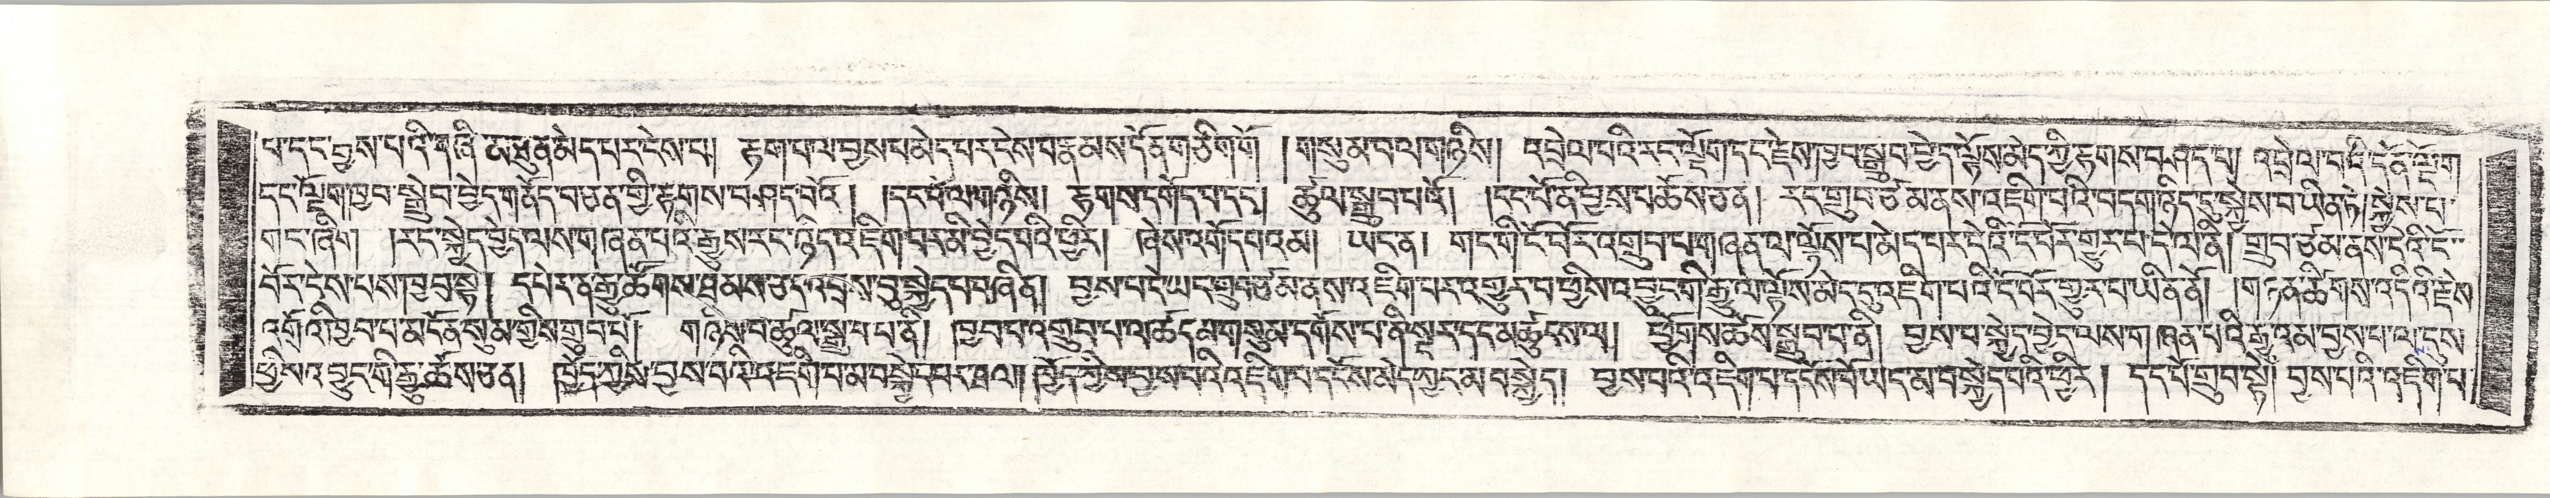པ་དང་བྱས་པའི་གཞི་མཐུན་མེད་པར་ངེས་པ། རྟག་པ་ལ་བྱས་པ་མེད་པར་ངེས་པ་རྣམས་དོན་གཅིག་གོ །གསུམ་པ་ལ་གཉིས། འབྲེལ་བའི་རང་ལྡོག་དང་རྗེས་ཁྱབ་སྒྲུབ་བྱེད་ལྟོས་མེད་ཀྱི་རྟགས་བཤད་པ། འབྲེལ་བའི་དོན་ལྡོག་
དང་ལྡོག་ཁྱབ་སྒྲུབ་བྱེད་གནོད་པ་ཅན་གྱི་རྟགས་བཤད་པའོ། །དང་པོ་ལ་གཉིས། རྟགས་དགོད་པ་དང་། ཚུལ་སྒྲུབ་པའོ། །དང་པོ་ནི་བྱས་པ་ཆོས་ཅན། རང་གྲུབ་ཙམ་ནས་འཇིག་པའི་བདག་ཉིད་དུ་སྐྱེས་པ་ཡིན་ཏེ། སྐྱེས་པ་
གང་ཞིག །རང་སྐྱེད་བྱེད་ལས་གཞན་པའི་རྒྱུས་རང་ཉིད་འཇིག་པར་མི་བྱེད་པའི་ཕྱིར། ཞེས་འགོད་པའམ། ཡང་ན། གང་གི་ངོ་བོར་འགྲུབ་པ་གཞན་ལ་ལྟོས་པ་མེད་པར་དེའི་ངོ་བོར་གྱུར་བ་དེ་ལ་ནི། གྲུབ་ཙམ་ནས་དེའི་ངོ་
བོར་ངེས་པས་ཁྱབ་སྟེ། དཔེར་ན་རྒྱུ་ཚོགས་ཐམས་ཅད་འབྲས་བུ་སྐྱེད་པ་བཞིན། བྱས་པ་དེ་ཡང་གྲུབ་ཙམ་ནས་འཇིག་པར་འགྱུར་བ་ཕྱིས་འབྱུང་གི་རྒྱུ་ལ་ལྟོས་མེད་དུ་འཇིག་པའི་ངོ་བོར་གྱུར་བ་ཡིན་ནོ། །གཏན་ཚིགས་འདིའི་རྗེས་
འགྲོའི་ཁྱབ་པ་མངོན་སུམ་གྱིས་འགྲུབ་པོ། གཉིས་པ་ཚུལ་སྒྲུབ་པ་ནི། ཁྱབ་པ་འགྲུབ་པ་ལ་ཚད་མ་གསུམ་དགོས་པ་ནི་སྔར་དང་མཚུངས་ལ། ཕྱོགས་ཆོས་སྒྲུབ་པ་ནི། བྱས་པ་སྐྱེད་བྱེད་ལས་གཞན་པའི་རྒྱུ་འམ་བྱས་པ་ལས་དུས་
ཕྱིས་འབྱུང་གི་རྒྱུ་ཆོས་ཅན། ཁྱོད་ཀྱིས་བྱས་པའི་འཇིག་པ་མ་བསྐྱེད་པར་ཐལ། ཁྱོད་ཀྱིས་བྱས་པའི་འཇིག་པ་དངོས་མེད་ཀྱང་མ་བསྐྱེད། བྱས་པའི་འཇིག་པ་དངོས་པོ་ཡང་མ་བསྐྱེད་པའི་ཕྱིར། དང་པོ་གྲུབ་སྟེ། བྱས་པའི་འཇིག་པ་